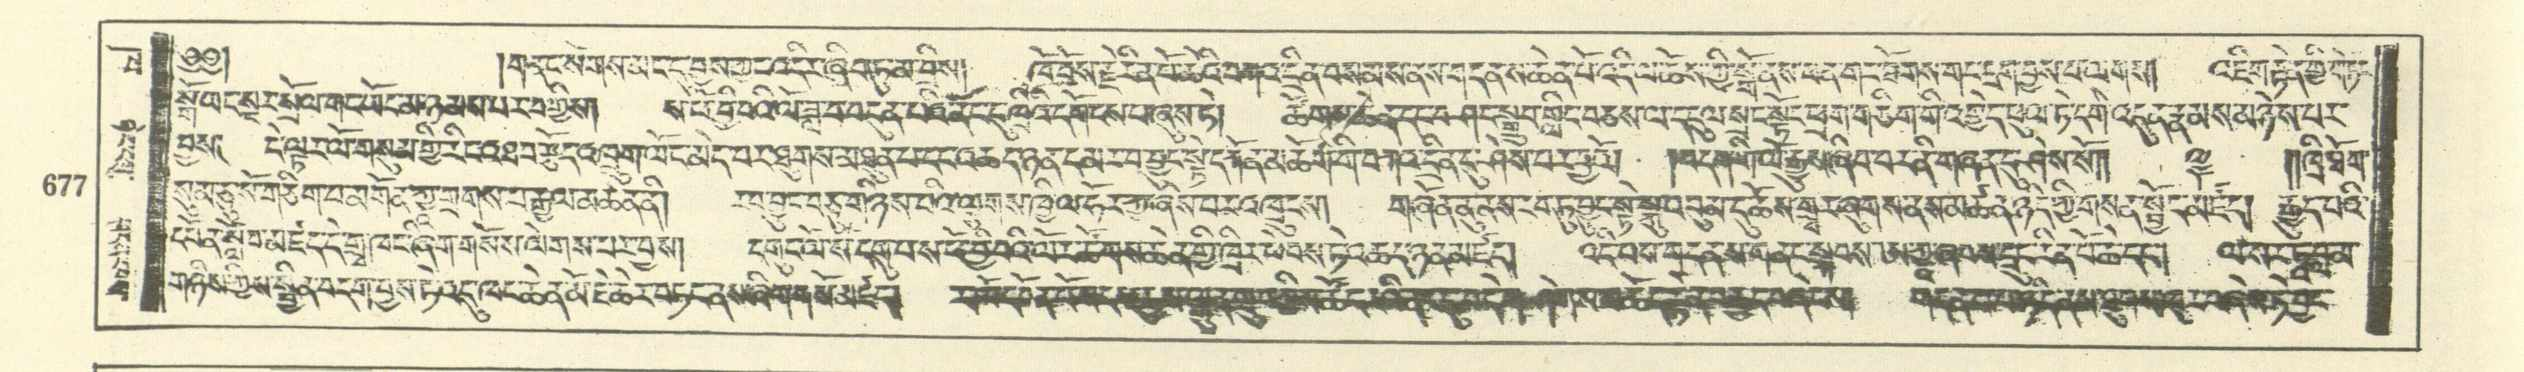༄༅། །གནང་སོགས་མང་དུ་བྱས་ཀྱང་འདིར་ཞིབ་ཏུ་མ་བྲིས། ཁོ་བོས་རྗེ་རིན་པོ་ཆེའི་བཀའ་དྲིན་བསམས་ནས་གདན་ས་ཆེན་པོ་འདི་ལ་ཆོས་ཀྱི་སྒོ་ནས་ཕན་གང་ཐོགས་གང་དྲག་བྱས་པ་ལགས། འཇིག་རྟེན་གྱི་གཏོང་
སྒོ་ཡང་སྔར་སྲོལ་གང་ཡོད་མ་ཉམས་པར་བགྱིས། ས་ཕོ་བྱི་བའི་ལོ་ཟླ་བ་བདུན་པའི་ནང་དུ་ཁྲིའི་དགོངས་པ་ཞུས་ཏེ། ཚོགས་ཆེན་དང་བཤད་སྒྲུབ་གླིང་བཅས་པ་དངུལ་སྲང་སྟོང་ཕྲག་གཅིག་གི་འགྱེད་ཕུལ་ཏེ་དགེ་འདུན་རྣམས་མཉེས་པར་
བྱས༑ དེ་ལྟར་ལོ་གསུམ་གྱི་རིང་འཐབ་རྩོད་འཁྲུག་ལོང་མེད་པར་ཐུགས་མཐུན་པ་དང་འཆད་ཉན་དམར་བ་བྱུང་སྟེ་དཀོན་མཆོག་གི་བཀའ་དྲིན་དུ་ཤེས་པར་བྱའོ། །བདག་གི་ལོ་རྒྱུས་ཞིབ་པར་ནི་གཞན་དུ་ཤེས་སོ།། ༈ །།ཁྲི་ཐོག་
སུམ་ཅུ་སོ་གཅིག་པ་མགོན་ཀྱའ་གྲགས་པ་རྒྱལ་མཚན་ནི། རབ་བྱུང་བཅུ་གཉིས་པའི་ལྕགས་ཁྱི་ལ་ཧོར་ཀྱ་ཞེས་པར་འཁྲུངས། གཞོན་ནུ་ནས་རབ་ཏུ་བྱུང་སྟེ་སྐུ་འབུམ་དུ་ཆོས་གྲྭར་ཞུགས་ནས་མཚན་ཉིད་ཀྱི་གསན་སྦྱོང་མཛད། རྒྱུད་པའི་
དཔོན་སློབ་མཛད་དེ་གྲྭ་ཁང་ཞིག་གསོས་ལེགས་པར་བྱས། དགུང་ལོ་སོ་དགུ་བས་ཕོ་བྱི་བའི་ལོང་ཚོགས་ཆེན་གྱི་ཁྲིར་ཕེབས་ཏེ་འཆད་ཉན་མཛད། འདི་བས་གདན་ས་གནང་སྐབས་ཨ་ཀྱཱ་ཞབས་དྲུང་རིན་པོ་ཆེ་དང་། ལ་སར་ཏཱ་བླ་མ་
གཉིས་ཀྱིས་སྦྱིན་བདག་བྱས་ཏེ་འདུ་ཁང་ཆེན་མོ་ཇེ་ཆེར་བཏང་ནས་ཞིག་གསོ་མཛད། ར་ཁོ་དཔོན་པོ་སངས་རྒྱས་ལྷུན་གྲུབ་ཀྱིས་ཚོད་རའི་ནང་དུ་བདེ་གཤེགས་མཆོད་རྟེན་བརྒྱད་བཞེངས། གདན་ས་པ་ཉིད་ནས་ཐུགས་ཁུར་བཞེས་ཏེ་བྱང་